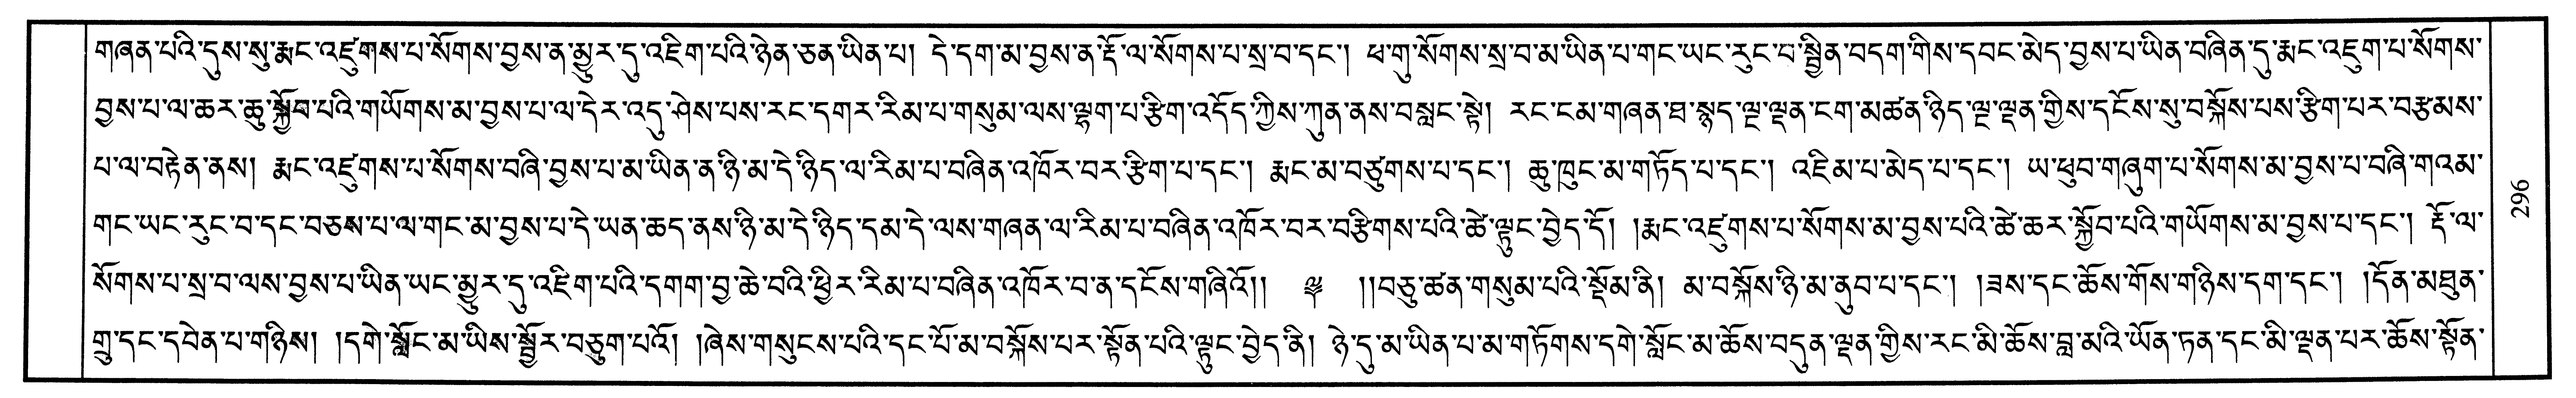གཞན་པའི་དུས་སུ་རྨང་འཛུགས་པ་སོགས་བྱས་ན་མྱུར་དུ་འཇིག་པའི་ཉེན་ཅན་ཡིན་པ། དེ་དག་མ་བྱས་ན་རྡོ་ལ་སོགས་པ་སྲ་བ་དང་། ཕ་གུ་སོགས་སྲ་བ་མ་ཡིན་པ་གང་ཡང་རུང་བ་སྦྱིན་བདག་གིས་དབང་མེད་བྱས་པ་ཡིན་བཞིན་དུ་རྨང་འཇུག་པ་སོགས་
བྱས་པ་ལ་ཆར་ཆུ་སྐྱོབ་པའི་གཡོགས་མ་བྱས་པ་ལ་དེར་འདུ་ཤེས་པས་རང་དགར་རིམ་པ་གསུམ་ལས་ལྷག་པ་རྩིག་འདོད་ཀྱིས་ཀུན་ནས་བསླང་སྟེ། རང་ངམ་གཞན་ཐ་སྙད་ལྔ་ལྡན་ངག་མཚན་ཉིད་ལྔ་ལྡན་གྱིས་དངོས་སུ་བསྐོས་པས་རྩིག་པར་བརྩམས་
པ་ལ་བརྟེན་ནས། རྨང་འཛུགས་པ་སོགས་བཞི་བྱས་པ་མ་ཡིན་ན་ཉིད་མ་དེ་ཉིད་ལ་རིམ་པ་བཞིན་འཁོར་བར་རྩིག་པ་དང་། རྨང་མ་བཙུགས་པ་དང་། ཆུ་ཁུང་མ་གཏོད་པ་དང་། འཇིམ་པ་མེད་པ་དང་། ཡ་ཕུབ་གཞུག་པ་སོགས་མ་བྱས་པ་བཞི་གའམ་
གང་ཡང་རུང་བ་དང་བཅས་པ་ལ་གང་མ་བྱས་པ་དེ་ཡན་ཆད་ནས་ཉི་མ་དེ་ཉིད་དམ་དེ་ལས་གཞན་ལ་རིམ་པ་བཞིན་འཁོར་བར་བརྩིགས་པའི་ཚེ་ལྟུང་བྱེད་དོ། །རྨང་འཛུགས་པ་སོགས་མ་བྱས་པའི་ཚེ་ཆར་སྐྱོབ་པའི་གཡོགས་མ་བྱས་པ་དང་། རྡོ་ལ་
སོགས་པ་སྲ་བ་ལས་བྱས་པ་ཡིན་ཡང་མྱུར་དུ་འཇིག་པའི་དགག་བྱ་ཆེ་བའི་ཕྱིར་རིམ་པ་བཞིན་འཁོར་བ་ན་དངོས་གཞིའོ།། ༈ །བཅུ་ཚན་གསུམ་པའི་སྡོམ་ནི། མ་བསྐོས་ཉི་མ་ནུབ་པ་དང་། །ཟས་དང་ཆོས་གོས་གཉིས་དག་དང་། །དོན་མཐུན་
གྲུ་དང་དབེན་པ་གཉིས། །དགེ་སློང་མ་ཡིས་སྦྱོར་བཅུག་པའོ། །ཞེས་གསུངས་པའི་དང་པོ་མ་བསྐོས་པར་སྟོན་པའི་ལྟུང་བྱེད་ནི། ཉེ་དུ་མ་ཡིན་པ་མ་གཏོགས་དགེ་སློང་མ་ཆོས་བདུན་ལྡན་གྱིས་རང་མི་ཆོས་བླ་མའི་ཡོན་ཏན་དང་མི་ལྡན་པར་ཆོས་སྟོན་